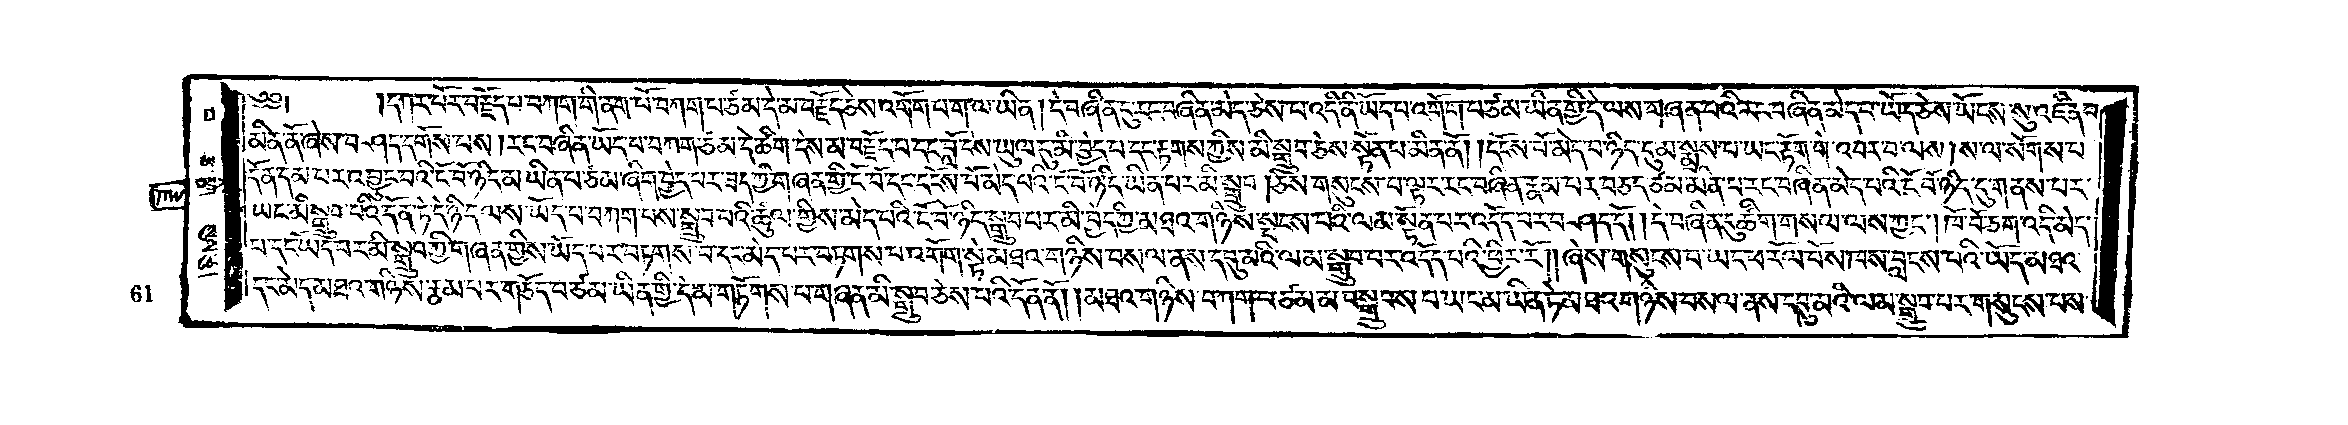༄༅། །དཀར་པོར་བརྗོད་པ་བཀག་གི་ནག་པོ་བཀག་པ་ཙམ་དེ་མ་བརྗོད་ཅེས་འགོག་པ་ག་ལ་ཡིན། དེ་བཞིན་དུ་རང་བཞིན་མེད་ཅེས་པ་འདི་ནི་ཡོད་པ་འགོག་པ་ཙམ་ཡིན་གྱི་དེ་ལས་གཞན་པའི་རང་བཞིན་མེད་པ་ཡོད་ཅེས་ཡོངས་སུ་འཛིན་པ་
མིན་ནོ་ཞེས་བཤད་དགོས་པས། རང་བཞིན་ཡོད་པ་བཀག་ཙམ་དེ་ཚིག་དེས་མ་བརྗོད་པ་དང་བློ་ངེས་ཡུལ་དུ་མི་བྱེད་པ་དང་རྟགས་ཀྱིས་མི་སྒྲུབ་ཅེས་སྟོན་པ་མིན་ནོ། །དངོས་པོ་མེད་པ་ཉིད་དུ་མ་སྨྲས་པ་ཡང་རྟོག་གེ་འབར་བ་ལས། ས་ལ་སོགས་པ་
དོན་དམ་པར་འབྱུང་བའི་ངོ་བོ་ཉིད་མ་ཡིན་པ་ཙམ་ཞིག་བྱེད་པར་ཟད་ཀྱི་གཞན་གྱི་ངོ་བོ་དང་དངོས་པོ་མེད་པའི་ངོ་བོ་ཉིད་ཡིན་པར་མི་སྒྲུབ། ཅེས་གསུངས་པ་ལྟར་རང་བཞིན་རྣམ་པར་བཅད་ཙམ་མིན་པ་རང་བཞིན་མེད་པའི་ངོ་བོ་ཉིད་དུ་གནས་པར་
ཡང་མིས་གྲུབ་པའི་དོན་ཏེ་དེ་ཉིད་ལས་ཡོད་པ་བཀག་པས་སྒྲུབ་པའི་ཚུལ་གྱིས་མེད་པའི་ངོ་བོ་ཉིད་སྒྲུབ་པར་མི་བྱེད་ཀྱི་མཐའ་གཉིས་སྤངས་པའི་ལམ་སྟོན་པར་འདོད་པར་བཤད་དོ། །དེ་བཞིན་དུ་ཚིག་གསལ་ལས་ཀྱང་། ཁོ་བོ་ཅག་འདི་མེད་
པ་དང་ཡོད་པར་མི་སྒྲུབ་ཀྱི་གཞན་གྱིས་ཡོད་པར་བཏགས་པ་དང་མེད་པར་བཏགས་པ་འགོག་སྟེ་མཐའ་གཉིས་བསལ་ནས་དབུ་མའི་ལམ་སྒྲུབ་པར་འདོད་པའི་ཕྱིར་རོ། །ཞེས་གསུངས་པ་ཡང་ཕ་རོལ་པོས་ཁས་བླངས་པའི་ཡོད་མཐའ་
དང་མེད་མཐའ་གཉིས་རྣམ་པར་གཅོད་པ་ཙམ་ཡིན་གྱི་དེ་མ་གཏོགས་པ་གཞན་མི་སྒྲུབ་ཅེས་པའི་དོན་ནོ། །མཐའ་གཉིས་བཀག་པ་ཙམ་མ་བསྒྲུབས་པ་ཡང་མ་ཡིན་ཏེ་མཐའ་གཉིས་བསལ་ནས་དབུ་མའི་ལམ་སྒྲུབ་པར་གསུངས་པས་